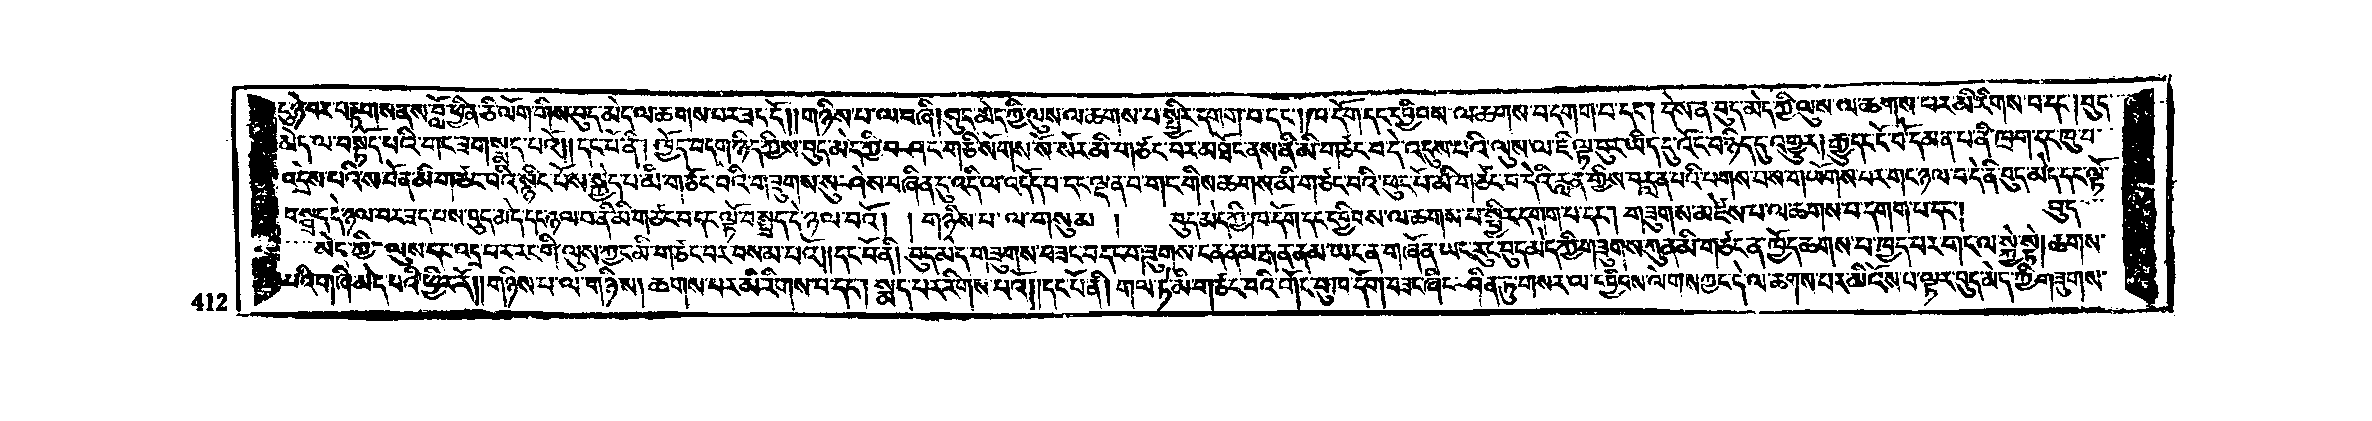དུ་ཉེ་བར་བརྟགས་ནས་བློ་ཕྱིན་ཅི་ལོག་གིས་བུད་མེད་ལ་ཆགས་པར་ཟད་དོ། །གཉིས་པ་ལ་བཞི། བུད་མེད་ཀྱི་ལུས་ལ་ཆགས་པ་སྤྱིར་དགག་པ་དང་། ཁ་དོག་དང་དབྱིབས་ལ་ཆགས་པ་དགག་པ་དང་། དེས་ན་བུད་མེད་ཀྱི་ལུས་ལ་ཆགས་པར་མི་རིགས་པ་དང་། བུད་
མེད་ལ་བསྟོད་པའི་གང་ཟག་སྨད་པའོ། །དང་པོ་ནི། ཁྱོད་བདག་ཉིད་ཀྱིས་བུད་མེད་ཀྱི་བཤད་གཅི་སོགས་སོ་སོར་མི་གཙང་བར་མཐོང་ནས་ནི་མི་གཙང་བ་དེ་འདུས་པའི་ལུས་ལ་ཇི་ལྟ་བུར་ཡིད་དུ་འོང་བ་ཉིད་དུ་འགྱུར། རྒྱུ་དང་ངོ་བོ་དམན་པ་ནི་ཁྲག་དང་ཁུ་བ་
འདྲེས་པའི་ས་བོན་མི་གཙང་བའི་སྙིང་པོས་སྐྱེད་པ་མི་གཙང་བའི་གཟུགས་སུ་ཤེས་བཞིན་དུ་འདི་ལ་འདོད་པ་དང་ལྡན་པ་གང་གིས་ཆགས་མི་གཙང་བའི་ཕུང་པོ་མི་གཙང་བ་དེའི་རླན་གྱིས་བརླན་པའི་པགས་པས་གཡོགས་པར་གང་ཉལ་བ་དེ་ནི་བུད་མེད་དང་ལྟོ་
བ་སྤྲད་དེ་ཉལ་བར་ཟད་པས་བུད་མེད་དང་ཉལ་བ་ནི་མི་གཙང་བ་དང་ལྟོ་བ་སྤྲད་དེ་ཉལ་བའོ། །གཉིས་པ་ལ་གསུམ། བུད་མེད་ཀྱི་ཁ་དོག་དང་དབྱིབས་ལ་ཆགས་པ་སྤྱིར་དགག་པ་དང་། གཟུགས་མཛེས་པ་ལ་ཆགས་པ་དགག་པ་དང་། བུད་
མེད་ཀྱི་ལུས་དང་འདྲ་བར་རང་གི་ལུས་ཀྱང་མི་གཙང་བར་བསམ་པའོ། །དང་པོ་ནི། བུད་མེད་གཟུགས་བཟང་བ་དང་གཟུགས་ངན་ནམ་རྒན་ནམ་ཡང་ན་གཞོན་ཡང་རུང་བུད་མེད་ཀྱི་གཟུགས་ཀུན་མི་གཙང་ན་ཁྱོད་ཆགས་པ་ཁྱད་པར་གང་ལ་སྐྱེ་སྟེ། ཆགས་
པའི་གཞི་མེད་པའི་ཕྱིར་རོ། །གཉིས་པ་ལ་གཉིས། ཆགས་པར་མི་རིགས་པ་དང་། སྨད་པར་རིགས་པའོ། །དང་པོ་ནི། གལ་ཏེ་མི་གཙང་བའི་གོང་བུ་ཁ་དོག་བཟང་ཞིང་ཤིན་ཏུ་གསར་ལ་དབྱིབས་ལེགས་ཀྱང་དེ་ལ་ཆགས་པར་མི་འོས་པ་ལྟར་བུད་མེད་ཀྱི་གཟུགས་